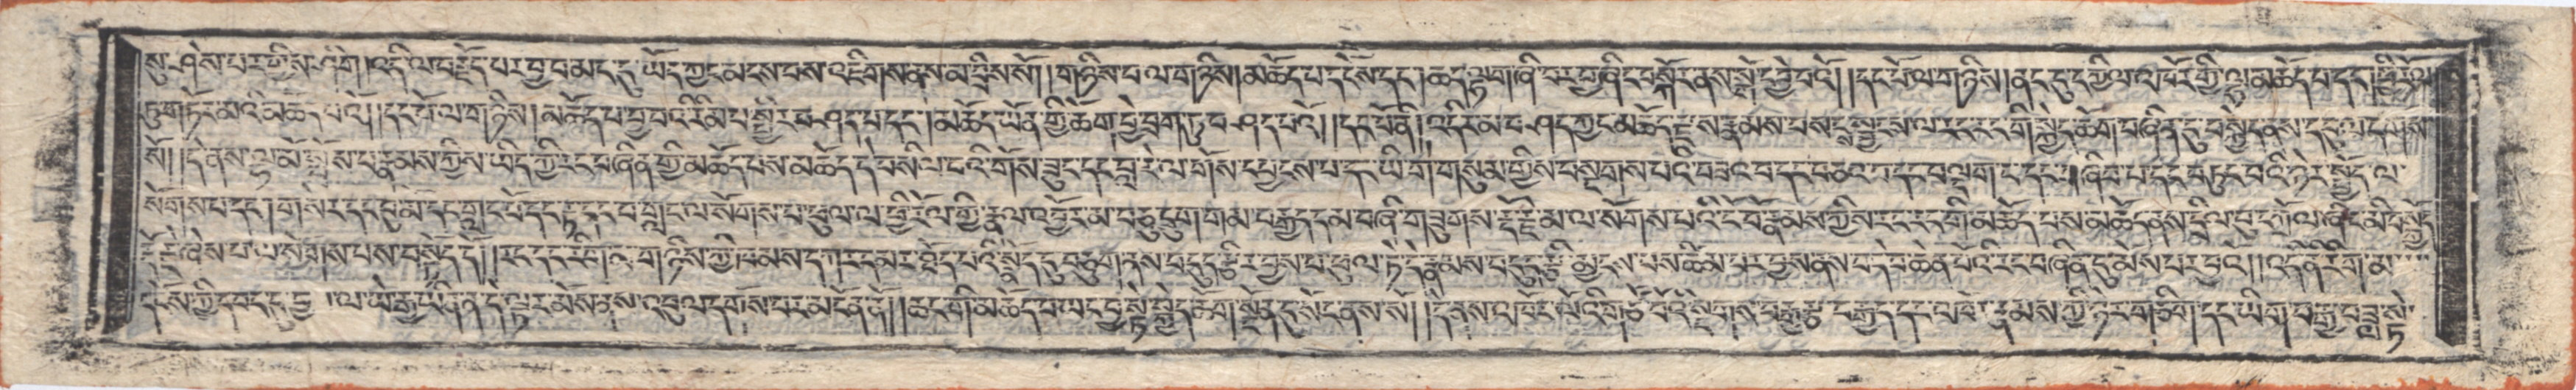སུ་ཤེས་པར་གྱིས་ཤིག །འདི་ལ་བརྗོད་པར་བྱ་བ་མང་དུ་ཡོད་ཀྱང་མངས་པས་འཇིགས་ནས་མ་བྲིས་སོ། །གཉིས་བ་ལ་གཉིས། མཆོད་པ་དངོས་དང་། ཆད་ལྷག་ཞི་བར་བྱ་ཞིང་བསྐོར་ནས་སྒོ་དབྱེ་བའོ། །དང་པོ་ལ་གཉིས། ནང་དུ་དཀྱིལ་འཁོར་གྱི་ལྷ་མཆོད་པ་དང་། ཕྱི་རོལ་
ཏུ་གཏོར་མའི་མཆོད་པའོ། །དང་པོ་ལ་གཉིས། མཆོད་པ་བྱ་བའི་རིམ་པ་སྤྱིར་བཤད་པ་དང་། མཆོད་ཡོན་གྱི་ཆོག་བྱེ་བྲག་ཏུ་བཤད་པའོ། །དང་པོ་ནི། འདིར་མ་བཤད་ཀྱང་མཆོད་རྫས་རྣམས་བསངས་སྦྱངས་ལ་རང་རང་གི་སྐྱེད་ཆོག་བཞིན་དུ་བསྐྱེད་ནས་དབུལ་དགོས་
སོ། །དེ་ནས་ལྷ་མོ་སྤྲོས་པ་རྣམས་ཀྱིས་ཡིད་ཀྱི་རང་བཞིན་གྱི་མཆོད་པས་མཆོད་དེ་བསིལ་བའི་གོས་ཟུང་དང་བླ་རེ་ལ་གོས་དབྱངས་པ་དང་ཡི་གེ་གསུམ་གྱིས་བསྔགས་པའི་བཟའ་བ་དང་བཅའ་བ་དང་བལྡག་པ་དང་བཞིབ་པ་དང་བཏུང་བའི་ཉེར་སྤྱོད་ལ་
སོགས་པ་དང་། གསེར་དང་བུ་མོ་དང་གླང་པོ་དང་རྟ་དང་བ་གླང་ལ་སོགས་པ་ཕུལ་ལ་ཕྱི་རོལ་གྱི་རྣལ་འབྱོར་མ་བཅུ་དྲུག་གམ་བརྒྱད་དམ་བཞི་གཟུགས་རྡོ་རྗེ་མ་ལ་སོགས་པའི་ངོ་བོ་རྣམས་ཀྱིས་རང་རང་གི་མཆོད་པས་མཆོད་ནས་དྲིལ་བུ་དཀྲོལ་ཞིང་མི་བསྐྱོད་
རྡོ་རྗེ་ཞེས་པ་ལ་སོགས་པས་བསྟོད་དོ། །རང་དང་རིག་མ་གཉིས་ཀྱི་ཁམས་དཀར་དམར་ཐོད་པའི་སྣོད་དུ་བཅུག་ནས་བདུད་རྩིར་བྱས་པ་ཕུལ་ཏེ་དེ་རྣམས་བདུད་རྩི་མྱངས་པས་ཚིམ་པར་བྱས་ནས་བདེ་བ་ཆེན་པོའི་རང་བཞིན་དུ་མོས་པར་བྱའོ། །འདི་ནི་རིག་མ་
དངོས་ཀྱི་དབང་དུ་བྱ་ལ་ཡེ་རྒྱ་ཡིན་ན་དེ་ལྟར་མོས་ནས་འབུལ་དགོས་པར་མངོན་ནོ། །ཆང་གི་མཆོད་པ་ཡང་བྱ་སྟེ་སྐྱེད་ཆོག་སྔོན་དུ་སོང་ནས་སོ། །དེ་ནས་འཁོར་ལོའི་གཙོ་བོའི་སྔགས་བརྒྱ་རྩ་བརྒྱད་དང་འཁོར་རྣམས་ཀྱི་ཉེར་གཅིག་དང་ཡིག་བརྒྱ་བཟླ་སྟེ་